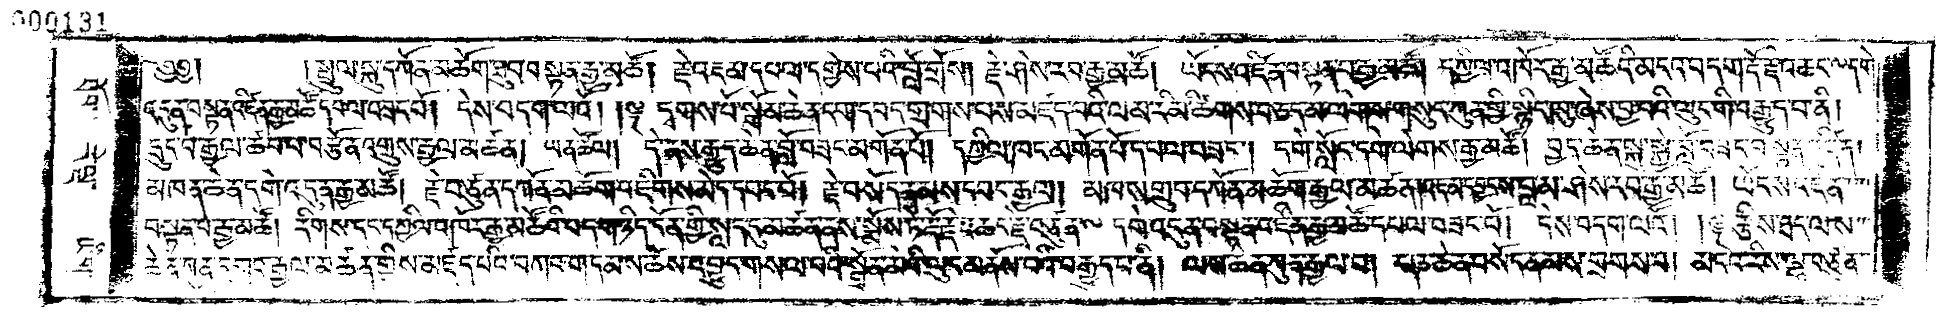༄༅། །སྤྲུལ་སྐུ་དཀོན་མཆོག་ཐུབ་བསྟན་རྒྱ་མཚོ། རྗེ་འཇམ་དཔལ་དགྱེས་པའི་བློ་གྲོས། རྗེ་ཤེས་རབ་རྒྱ་མཚོ། ཡོངས་འཛིན་བསྟན་པ་རྒྱ་མཚོ། དཀྱིལ་འཁོར་རྒྱ་མཚོའི་མངའ་བདག་རྡོ་རྗེ་འཆང ༧་དགེ་
འདུན་བསྟན་འཛིན་རྒྱ་མཚོ་དཔལ་བཟང་པོ། དེས་བདག་ལའོ། །༈ དྭགས་པོ་སྒོམ་ཆེན་ངག་དབང་གྲགས་པས་མཛད་པའི་ལམ་རིམ་ཚིགས་བཅད་མ་ལེགས་གསུང་ཀུན་གྱི་སྙིང་ཁུ་ཞེས་བྱ་བའི་ལུང་གི་བརྒྱུད་པ་ནི།
དྲུང་བ་རྒྱལ་ཚབ་པ་བརྩོན་འགྲུས་རྒྱལ་མཚན། ཡན་ཚོལ། དེ་ནས་རྒྱུད་ཆེན་བློ་བཟང་མགོན་པོ། དཀྱིལ་ཁང་མགོན་པོ་དཔལ་བཟང་། དགེ་སློང་དགེ་ལེགས་རྒྱ་མཚོ། བྱང་ཆེན་སྐུ་སྐྱེ་བློ་བཟང་བསྟན་འཛིན་
མཁན་ཆེན་དགེ་འདུན་རྒྱ་མཚོ། རྗེ་བཙུན་དཀོན་མཆོག་འཇིགས་མེད་དབང་པོ། རྗེ་བསོད་ནམས་དབང་རྒྱལ། མཁས་གྲུབ་དཀོན་མཆོག་རྒྱལ་མཚན། འཇམ་དབྱངས་བླ་མ་ཤེས་རབ་རྒྱ་མཚོ། ཡོངས་འཛིན་
བསྟན་པ་རྒྱ་མཚོ། རིགས་དང་དཀྱིལ་འཁོར་རྒྱ་མཚོའི་བདག་ཉིད་དོན་གྱི་སླད་དུ་མཚན་ནས་སྨོས་ཏེ་རྡོ་རྗེ་འཆང་རྗེ་བཙུན ༧དགེ་འདུན་བསྟན་འཛིན་རྒྱ་མཚོ་དཔལ་བཟང་པོ། དེས་བདག་ལའོ། །༈ རྩིས་ཐད་ལས་
ཆེན་ཀུན་དགའ་རྒྱལ་མཚན་གྱིས་མཛད་པའི་བཀའ་གདམས་ཆོས་འབྱུང་གསལ་བའི་སྒྲོན་མེའི་ལུང་མནོས་པའི་བརྒྱུད་པ་ནི། ལས་ཆེན་ཀུན་རྒྱལ་བ། པཎ་ཆེན་བསོད་ནམས་གྲགས་པ། མངའ་རིས་ལྷ་བཙུན་